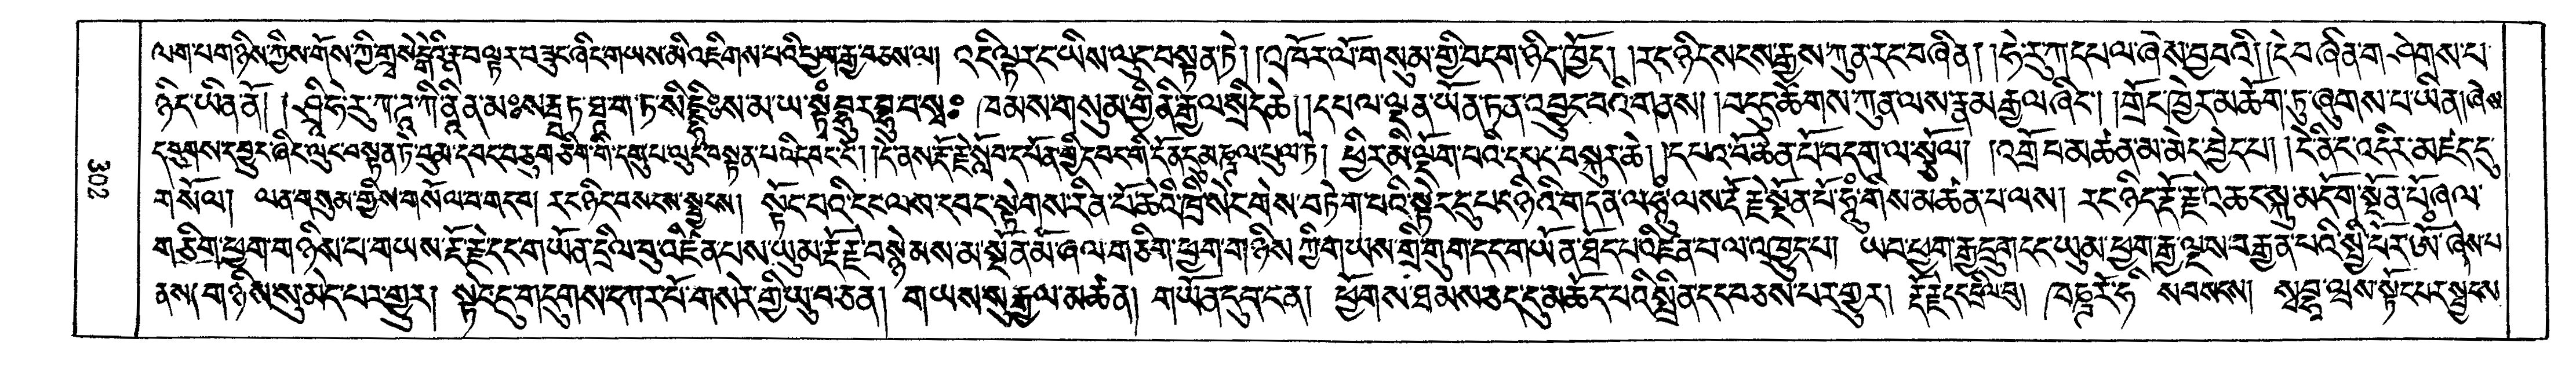ལག་པ་གཉིས་ཀྱིས་གོས་ཀྱི་གྲ་སེངྒེའི་རྣ་བ་ལྟར་བཟུང་ཞིང་གཡས་མི་འཇིགས་པའི་ཕྱག་རྒྱ་བཅས་ལ། འདི་ལྟར་ང་ཡིས་ལུང་བསྟན་ཏེ། །འཁོར་ལོ་གསུམ་གྱི་བདག་ཉིད་ཁྱོད། །རང་ཉིད་སངས་རྒྱས་ཀུན་རང་བཞིན། །ཧེ་རུ་ཀ་དཔལ་ཞེས་བྱ་བའི། །དེ་བཞིན་གཤེགས་པ་
ཉིད་ཡིན་ནོ། །ཤྲཱི་ཧེ་རུ་ཀ་ཌཱ་ཀི་ནཱི་ན་མཿསརྦཱ་ཏ་ཐཱ་ག་ཏ་སིདྡྷཱིཿ ས་མ་ཡ་སྟྭི་བྷུར་བྷུ་བ་སྭཿ ཁམས་གསུམ་གྱི་ནི་རྒྱལ་སྲིད་ཆེ། །དཔལ་ལྡན་ཡོན་ཏན་འབྱུང་བའི་གནས། །བདུད་ཚོགས་ཀུན་ལས་རྣམ་རྒྱལ་ཞིང་། །གྲོང་ཁྱེར་མཆོག་ཏུ་ཞུགས་པ་ཡིན། ཞེས་
དབུགས་དབྱུང་ཞིང་ལུང་བསྟན་ཏེ་བུམ་དབང་བཅུ་གཅིག་གི་དགུ་པ་ལུང་བསྟན་པའི་དབང་ངོ། །དེ་ནས་རྡོ་རྗེ་སློབ་དཔོན་གྱི་དབང་གི་དོན་དུ་མཎྜལ་ཕུལ་ཏེ། ཕྱིར་མི་ལྡོག་པའི་དབང་བསྐུར་ཆེ། །དཔའ་བོ་ཆེན་པོ་བདག་ལ་སྩོལ། །འགྲོ་བ་མཚན་མ་མེད་བྱེད་པ། །དེ་ནི་ད་འདིར་མཛད་དུ་
གསོལ། ལན་གསུམ་གྱིས་གསོལ་བ་གདབ། རང་ཉིད་བསངས་སྦྱངས། སྟོང་པའི་ངང་ལས་དབང་སྟེགས་རིན་པོ་ཆེའི་ཁྲི་སེང་གེས་བཏེག་པའི་སྟེང་དུ་པད་ཉིའི་གདན་ལ་ཧཱུཾ་ལས་རྡོ་རྗེ་སྔོན་པོ་ཧཱུཾ་གིས་མཚན་པ་ལས། རང་ཉིད་རྡོ་རྗེ་འཆང་སྐུ་མདོག་སྔོན་པོ་ཞལ་
གཅིག་ཕྱག་གཉིས་པ་གཡས་རྡོ་རྗེ་དང་གཡོན་དྲིལ་བུ་འཛིན་པས་ཡུམ་རྡོ་རྗེ་བསྙེམས་མ་སྔོན་མོ་ཞལ་གཅིག་ཕྱག་གཉིས་ཀྱི་གཡས་གྲི་གུག་དང་གཡོན་ཐོད་པའི་འཛིན་པ་ལ་འཁྱུད་པ། ཡབ་ཕྱག་རྒྱ་དྲུག་དང་ཡུམ་ཕྱག་རྒྱ་ལྔས་བརྒྱན་པའི་སྤྱི་བོར་ཨོཾ་ཞེས་པ་
ནས༑ གཉིས་སུ་མེད་པར་གྱུར། སྟེང་དུ་གདུགས་དཀར་པོ་གསེར་གྱི་ཡུབ་ཅན། གཡས་སུ་རྒྱལ་མཚན། གཡོན་དུ་བ་དན། ཕྱོགས་ཐམས་ཅད་དུ་མཆོད་པའི་སྤྲིན་དང་བཅས་པར་གྱུར། རྡོ་རྗེ་དང་དྲིལ་བུ། ཁཎྜ་རོ་ཧི་ས་བསངས། སྭ་བྷཱ་ཝས་སྟོང་པར་སྦྱངས།